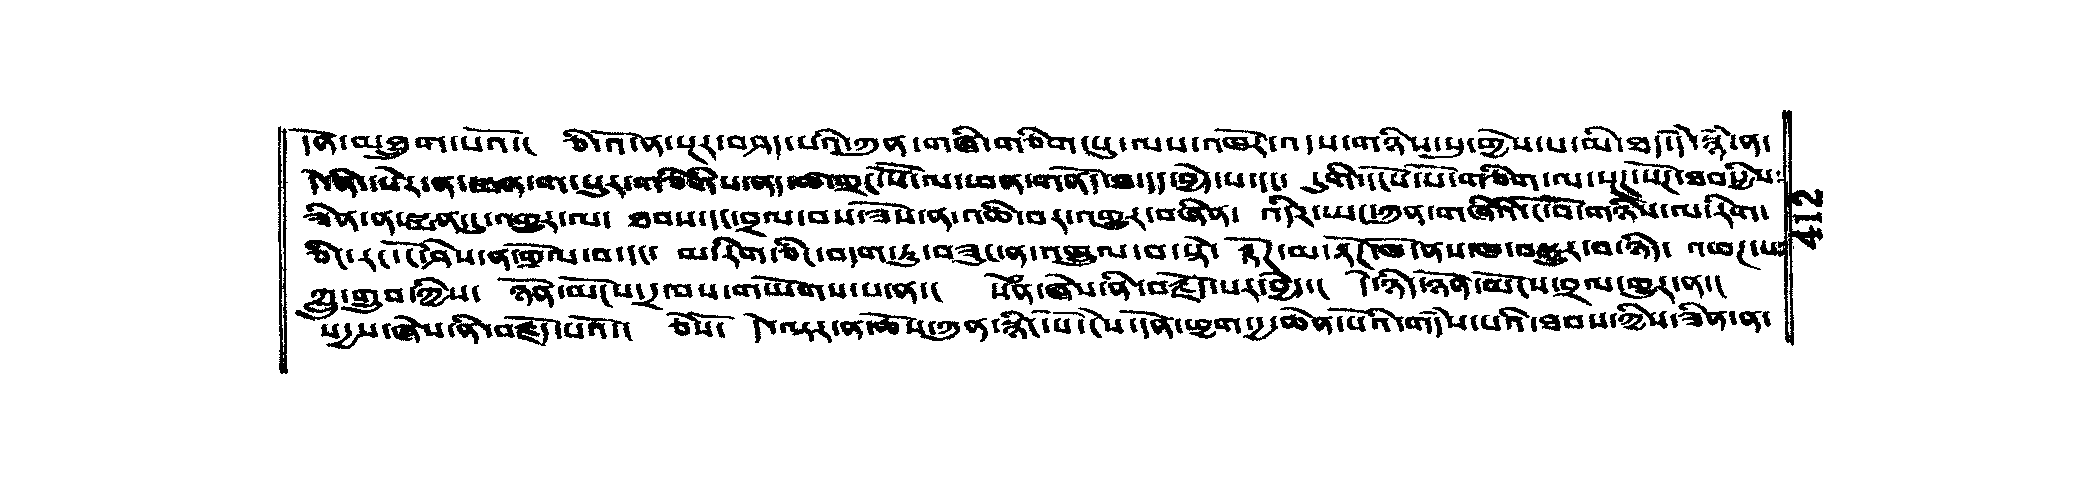དོན་མཐར་ཐུག་པའོ། ཅི་འོ་ན་སྔར་བཤད་པའི་ཀུན་གཞི་གཅིག་པུ་ལས་འཁོར་འདས་གཉིས་སུ་གྱེས་པ་མི་འཐད་དམ་སྙམ་ན་
དེ་ནི་དཔེར་ན་སྨན་ག་པུར་གཅིག་གིས་ནད་ཚ་གྲང་སོ་སོ་ལ་ཕན་གནོད་ཐ་དད་བྱེད་པ་དང་། དུག་གི་དངོས་པོ་གཅིག་ལ་སྔགས་སོགས་ཐབས་ཀྱིས་
ཟིན་ན་སྨན་དུ་འགྱུར་ལ། ཐབས་དང་བྲལ་བས་ཟོས་ན་འཆི་བར་འགྱུར་བ་བཞིན། འདིར་ཡང་ཀུན་གཞིའི་ངོ་བོ་གཅིག་ལ་རིག་
ཅིང་རང་ངོ་ཤེས་ན་གྲོལ་བ་དང་། མ་རིག་ཅིང་བདག་ཏུ་བཟུང་ན་འཁྲུལ་བ་སྟེ། རྟོགས་མ་རྟོགས་ཁོ་ནས་ཁ་བསྒྱུར་བ་ཉིད། འཕགས་པ་
ཀླུ་གྲུབ་ཀྱིས། ཉོན་མོངས་དྲྭ་བས་གཡོགས་པ་ན། །སེམས་ཅན་ཞེས་ནི་བརྗོད་པར་བྱེད། །དེ་ཉིད་ཉོན་མོངས་བྲལ་གྱུར་ན། །
སངས་རྒྱས་ཞེས་ནི་བརྗོད་པའོ། ཞེས་སོ། དེ་ལྟར་ན་ཆོས་ཀུན་སྙིང་པོ་ངེས་དོན་ཕྱག་རྒྱ་ཆེན་པོའི་གདམས་པའི་ཐབས་ཀྱིས་ཟིན་ན་